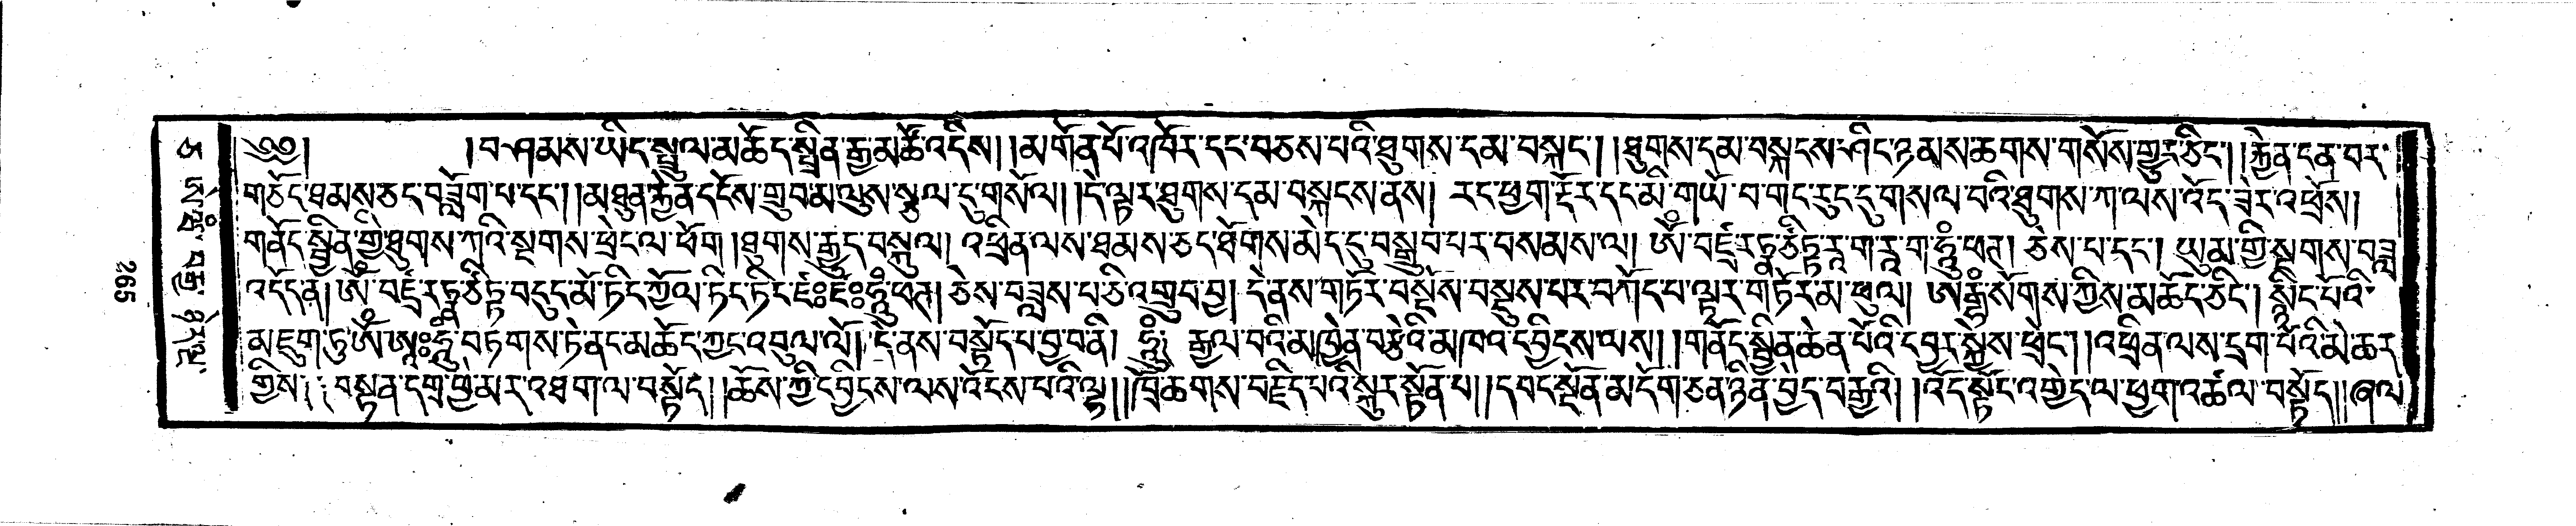༄༅། །བཤམས་ཡིད་སྤྲུལ་མཆོད་སྤྲིན་རྒྱ་མཚོ་འདིས། །མགོན་པོ་འཁོར་དང་བཅས་པའི་ཐུགས་དམ་བསྐང་། །ཐུགས་དམ་བསྐངས་ཤིང་ཉམས་ཆགས་གསོས་གྱུར་ཅིང་། །རྐྱེན་ངན་བར་
གཅོད་ཐམས་ཅད་བཟློག་པ་དང་། །མཐུན་རྐྱེན་དངོས་གྲུབ་མ་ལུས་སྩལ་དུ་གསོལ། །དེ་ལྟར་ཐུགས་དམ་བསྐངས་ནས། རང་ཕྱག་རྡོར་དང་མི་གཡོ་བ་གང་རུང་དུ་གསལ་བའི་ཐུགས་ཀ་ལས་འོད་ཟེར་འཕྲོས།
གནོད་སྦྱིན་གྱི་ཐུགས་ཀའི་སྔགས་ཕྲེང་ལ་ཕོག །ཐུགས་རྒྱུད་བསྐུལ། འཕྲིན་ལས་ཐམས་ཅད་ཐོགས་མེད་དུ་བསྒྲུབ་པར་བསམས་ལ། ཨོཾ་བཛྲ་རཏྣ་ཙིཏྟ་རཱ་ག་རཱ་ག་ཧཱུཾ་ཕཊ། ཅེས་པ་དང་། ཡུམ་གྱི་སྔགས་བཟླ་
འདོད་ན། ཨོཾ་བཛྲ་རཏྣ་ཙིཏྟ་བདུད་མོ་ཏིང་ཀྱོལ་ཏིང་ཏིང་ཛཿ ཛཿ ཧཱུཾ་ཕཊ། ཅེས་བཟླས་པ་ཅི་འགྲུབ་བྱ། དེ་ནས་གཏོར་བསྔོས་བསྡུས་པར་བཀོད་པ་ལྟར་གཏོར་མ་ཕུལ། ཨརྒྷཾ་སོགས་ཀྱིས་མཆོད་ཅིང་། སྙིང་པོའི་
མཇུག་ཏུ་ཨོཾ་ཨཱཿ ཧཱུཾ་བཏགས་ཏེ་ནང་མཆོད་ཀྱང་འབུལ་ལོ། །དེ་ནས། བསྟོད་པ་བྱ་བ་ནི། ཧཱུཾཿ རྒྱལ་བའི་མཁྱེན་བརྩེའི་མཁའ་དབྱིངས་ལས། །གནོད་སྦྱིན་ཆེན་པོའི་དབྱར་སྐྱེས་ཕྲེང་། །འཕྲིན་ལས་དྲག་པོའི་མེ་ཆར་
གྱིས༑ ༑བསྟན་དགྲ་ཕྱེ་མར་འཐག་ལ་བསྟོད། །ཆོས་ཀྱི་དབྱིངས་ལས་འོངས་པའི་ལྷ། །ཁྲོ་ཆགས་བརྗིད་པའི་སྐུར་སྟོན་པ། །དབང་སྔོན་མདོག་ཅན་ཉིན་བྱེད་བརྒྱའི། །འོད་སྟོང་འགྱེད་ལ་ཕྱག་འཚལ་བསྟོད། །ཞལ་